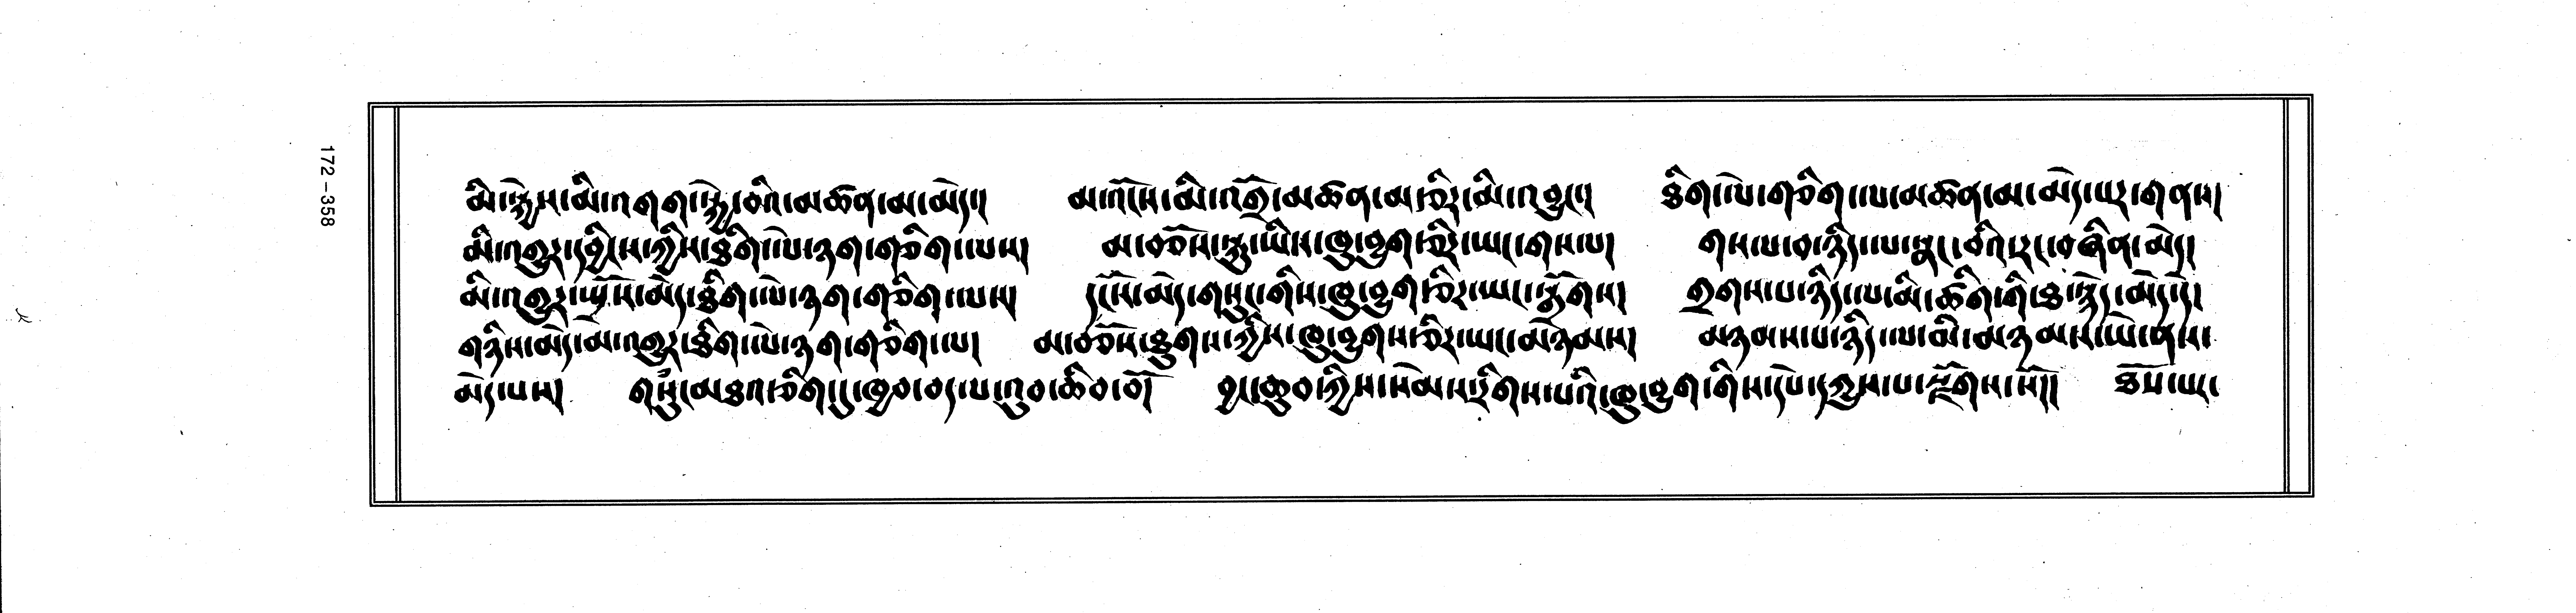མི་སྐྱེས་མི་འགག་སྐྱེ་བའི་མཚན་མ་མེད། མ་འོངས་མི་འགྲོ་མཚན་མ་ཅིར་མི་འབྱུང་། ཐིག་ལེ་གཅིག་ལ་མཚན་མ་མེད་པར་གནས། 
མི་འགྱུར་དབྱིངས་ཀྱིས་ཐིག་ལེ་ཉག་གཅིག་ལས། མ་བཅོས་སྐུ་ཡིས་ཁུ་བྱུག་ཅིར་ཡང་གསལ། གསལ་བ་ཉིད་ལ་སྣང་བའི་རང་བཞིན་མེད། 
མི་འགྱུར་སྤྲོས་མེད་ཐིག་ལེ་ཉག་གཅིག་ལས། དངོས་མེད་གསུང་གིས་ཁུ་བྱུག་ཅིར་ཡང་སྒྲོགས། གྲགས་པ་ཉིད་ལ་ཚིག་གི་ཐ་སྙེད་མེད་དེ། 
གཉིས་མེད་མ་འགྱུར་ཐིག་ལེ་ཉག་གཅིག་ལ། མ་བཅོས་ཐུགས་ཀྱིས་ཁུ་བྱུག་ཅིར་ཡང་མཉམས། མཉམས་པ་ཉིད་ལ་མི་མཉམས་ཡེ་ནས་
མེད་པས། གསུམ་མཐའ་ཅིག་དུ་ཁྱབ་བདལ་འུབ་ཆིབ་བོ། བྱང་ཆུབ་ཀྱིས་སེམས་རིག་པའི་ཁུ་བྱུག་གིས་དཔེ་དཀྱུས་པ་རྫོགས་སྭོ། ཐོས་པར་